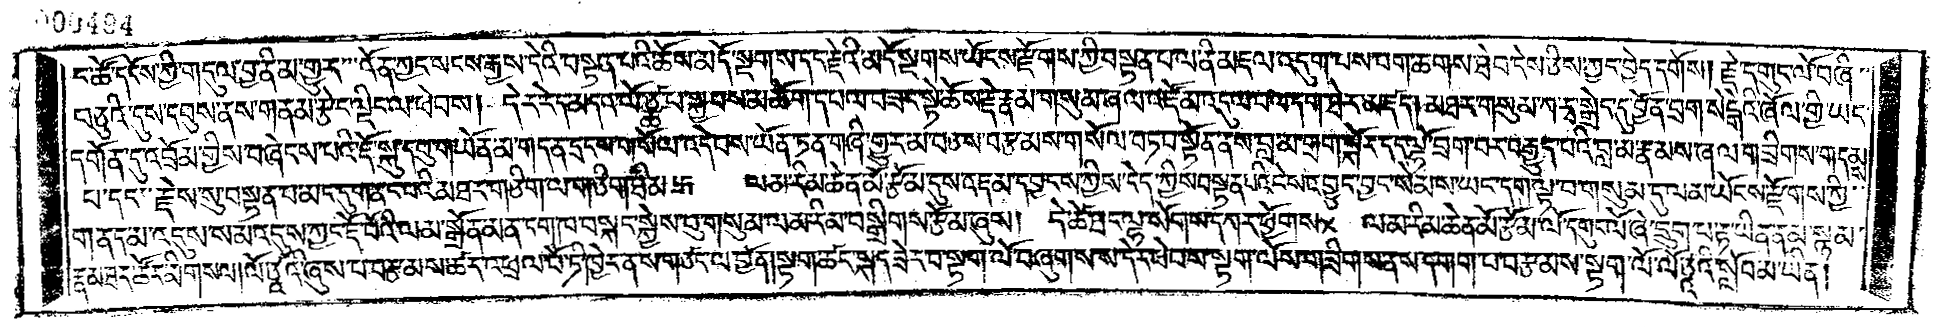ང་ཚོ་དངོས་ཀྱི་གདུལ་བྱ་ནི་མ་གྱུར་འོན་ཀྱང་སངས་རྒྱས་དེའི་བསྟན་པའི་ཆོས་མདོ་སྔགས་དང་རྗེའི་མདོ་སྔགས་ཡོངས་རྫོགས་ཀྱི་བསྟན་པ་ལ་ནི་མཇལ་འདུག་པས་བག་ཆགས་ཐེབ་ངེས་ཅིས་ཀྱང་བྱེད་དགོས། རྗེ་དགུང་ལོ་བཞི་
བཅུའི་དུས་དབུས་ནས་གནམ་རྩེང་ལྡིང་ལ་ཕེབས། དེར་རེད་མདའ་ལོ་ཙྪ་པ་སྐྱབས་མཆོག་དཔལ་བཟང་སྟེ་ཆོས་རྗེ་རྣམ་གསུམ་ཞལ་འཛོམ་འདུལ་བ་ལ་དག་ཐེར་མཛད། མཐར་གསུམ་ཀ་རྭ་སྒྲེང་དུ་བྱོན་བྲག་སེངྒེའི་ཞོལ་གྱི་ཡང་
དགོན་དུ་འབྲོམ་གྱིས་བཞེངས་པའི་ཇོ་སྐུ་དབུ་གཡོན་མ་གདན་དྲངས་གསོལ་འདེབས་ཡོན་ཏན་གཞི་གྱུར་མ་བཅས་བརྩམས་གསོལ་བཏབ་སྟོན་ནས་བླ་མ་གྲག་སྐོར་དང་ལྷོ་བྲག་བར་བརྒྱུད་པའི་བླ་མ་རྣམས་ཞལ་གཟིགས་གདམས་
པ་དང་རྗེས་སུ་བསྟན་པ་མང་དུ་གནང་བའི་མཐར་གཅིག་ལ་གཅིག་ཐིམ་~྾་ལམ་རིམ་ཆེན་མོ་རྩོམ་དུས་འཇམ་དབྱངས་ཀྱིས་ངེད་ཀྱིས་བསྟན་པའི་ངེས་འབྱུང་བྱང་སེམས་ཡང་དག་ལྟ་བ་གསུམ་དུ་ལམ་ཡོངས་རྫོགས་ཀྱི་
གནད་མ་འདུས་སམ་འདུས་ཀྱང་ཇོ་བོའི་ལམ་སྒྲོན་མན་ངག་ཁ་བསྐང་སྐྱེས་བུ་གསུམ་ལམ་རིམ་བསྒྲིགས་རྩོམ་ཞུས། དེ་ཚེ་ཐང་ལྷ་སོགས་དཀར་ཕྱོགས྾་ལམ་རིམ་ཆེན་མོ་རྩོམ་ལོ་དགུང་ལོ་ཞེ་དྲུག་པ་རྟ་ཡིན་ནམ་སྙམ་
རྣམ་ཐར་ཚོར་མི་གསལ། ལོ་ཙཱའི་ཞུས་པ་བརྩམས་ཚར་འཕྲལ་པོ་ཏི་ཁྱེར་ནས་གཙང་ལ་བྱོན། སྟག་ཚང་སྐད་ཟེར་བ་སྟག་ལོ་བཞུགས་ས་དེར་ཕེབས་སྟག་ལོས་གཟིགས་ནས་དགག་པ་བརྩམས་སྟག་ལོ་ལོ་ཙཱའི་སློབ་མ་ཡིན།